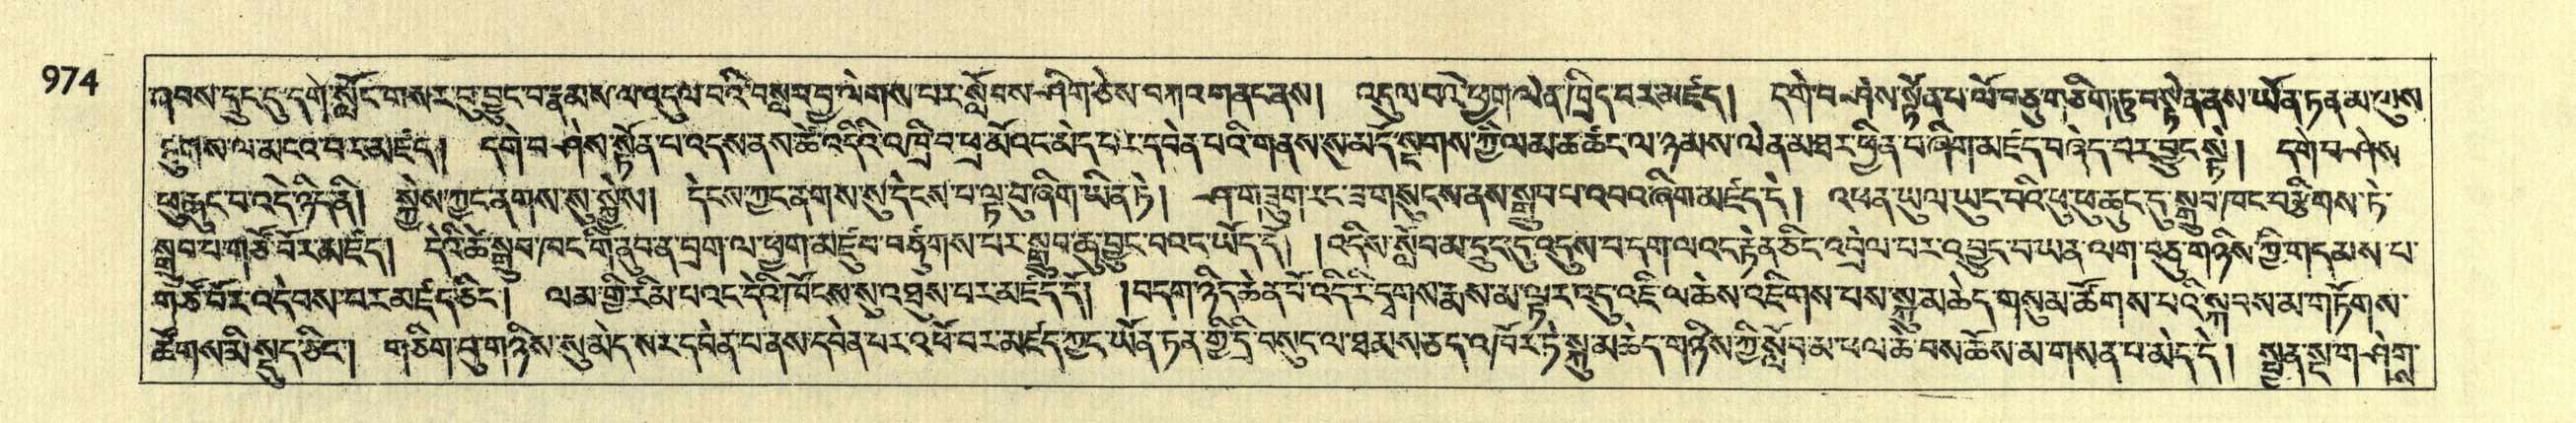ཞབས་དྲུང་དུ་དགེ་སློང་གསར་བུ་བྱུང་བ་རྣམས་ལ་འདུལ་བའི་བསླབ་བྱ་ལེགས་པར་སློབས་ཤིག་ཅེས་བཀའ་གནང་ནས། འདུལ་བའི་ཕྱག་ལེན་ཁྲིད་བར་མཛད། དགེ་བཤེས་སྟོན་པ་ལོ་བཅུ་གཅིག་ཏུ་བསྟེན་ནས་ཡོན་ཏན་མ་ལུས་
ཐུགས་ལ་མངའ་བར་མཛད། དགེ་བཤེས་སྟོན་པ་འདས་ནས་ཚེ་འདིའི་འཁྲི་བ་ཕྲ་མོ་འང་མེད་པར་དབེན་པའི་གནས་སུ་མདོ་སྔགས་ཀྱི་ལམ་ཆ་ཚང་ལ་ཉམས་ལེན་མཐར་ཕྱིན་བ་ཞིག་མཛད་བཞེད་བར་བྱུང་སྟེ། དགེ་བཤེས་
ཕུ་ཆུང་བ་འདེ་ཉིད་ནི། སྐྱེས་ཀྱང་ནགས་སུ་སྐྱེས། དེངས་ཀྱང་ནགས་སུ་དེངས་པ་ལྟ་བུ་ཞིག་ཡིན་ཏེ། ཤ་གཟུག་རང་ཟ་གསུངས་ནས་སྒྲུབ་པ་འབའ་ཞིག་མཛད་དེ། འཕན་ཡུལ་ཡུང་བའི་ཕུ་ཕུ་ཆུང་དུ་སྒྲུབ་ཁང་བརྩིགས་ཏེ་
སྒྲུབ་པ་གཙོ་བོར་མཛད། དེའི་ཚེ་སྒྲུབ་ཁང་གི་ནུབ་ན་བྲག་ལ་ཕྱག་མཛུབ་བཙུགས་པར་སྒྲུབ་ཆུ་བྱུང་བའང་ཡོད་དོ། །འདིས་སློབ་མ་དྲུང་དུ་འདུས་པ་དག་ལའང་རྟེན་ཅིང་འབྲེལ་པར་འབྱུང་བ་ཡན་ལག་བཅུ་གཉིས་ཀྱི་གདམས་པ་
གཙོ་བོར་འདེབས་བར་མཛད་ཅིང་། ལམ་གྱི་རིམ་པའང་དེའི་ཁོངས་སུ་འཐུས་པར་མཛད་དོ། །བདག་ཉིད་ཆེན་པོ་འདི་རི་དྭགས་རྨས་མ་ལྟར་འདུ་འཇི་ལ་ཆེས་འཇིགས་པས་སྐུ་མཆེད་གསུམ་ཚོགས་པའི་སྐབས་མ་གཏོགས་
ཚོགས་མི་སྡུད་ཅིང་། གཅིག་བུ་གཉིས་སུ་མེད་སར་དབེན་པ་ནས་དབེན་པར་འཕོ་བར་མཛད་ཀྱང་ཡོན་ཏན་གྱི་དྲི་བསུང་ལ་ཐམས་ཅད་འཁོར་ཏེ་སྐུ་མཆེད་གཉིས་ཀྱི་སློབ་མ་ཕལ་ཆེ་བས་ཆོས་མ་གསན་པ་མེད་དེ། སྤྱན་སྔ་གཤེགས་